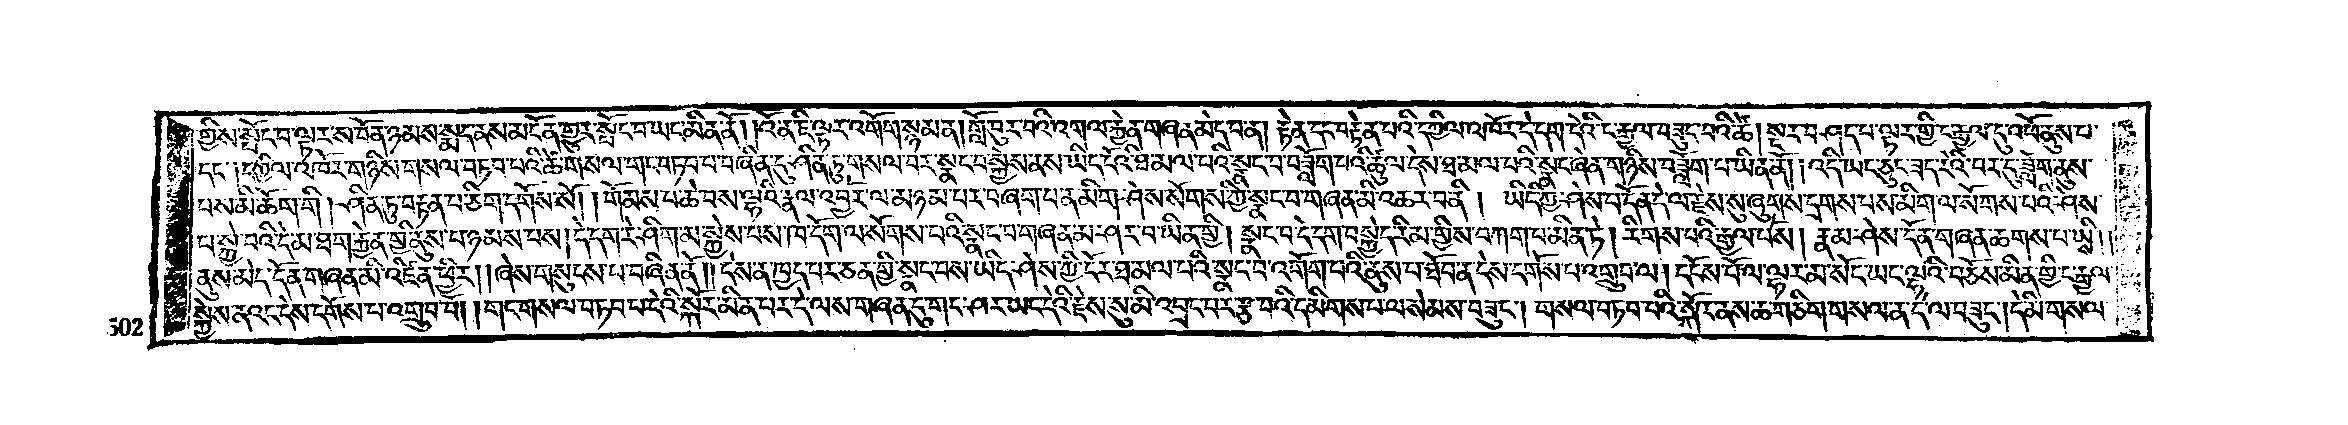གྱིས་སྤོང་བ་ལྟར་ས་བོན་ཉམས་སྨད་ནས་མངོན་གྱུར་སྤོང་བ་ཡང་མིན་ནོ། །འོ་ན་ཇི་ལྟར་འགོག་སྙམ་ན། གློ་བུར་བའི་འགལ་རྐྱེན་གཞན་མེད་པ་ན། རྟེན་དང་བརྟེན་པའི་དཀྱིལ་འཁོར་དེ་དག་དེའི་ང་རྒྱལ་བཟུང་བའི་ཚེ། སྔར་བཤད་པ་ལྟར་གྱི་ང་རྒྱལ་དུ་འཕོ་ནུས་པ་
དང་། དཀྱིལ་འཁོར་གཉིས་གསལ་བཏབ་པའི་ཚེ་གསལ་གང་བཏབ་པ་བཞིན་དུ་ཤིན་ཏུ་གསལ་བར་སྣང་བ་སྐྱེས་ནས་ཡིད་དོའི་ཐ་མལ་པའི་སྣང་བ་བཟློག་པའི་ཚུལ་དེས་ཐ་མལ་པའི་སྣང་ཞེན་གཉིས་བཟློག་པ་ཡིན་ནོ། །འདི་ཡང་ཅུང་ཟད་རེའི་བར་དུ་ཟློག་ནུས་
པས་མི་ཆོག་གི། ཤིན་ཏུ་བརྟན་པ་ཅིག་དགོས་སོ། །གོམས་པ་ཆེ་བས་ལྷའི་རྣལ་འབྱོར་ལ་མཉམ་པར་བཞག་པ་ན་མིག་ཤེས་སོགས་ཀྱི་སྣང་བ་གཞན་མི་འཆར་བ་ནི། ཡིད་ཀྱི་ཤེས་པ་དོན་དེ་ལ་རྗེས་སུ་ཞུགས་དྲགས་པས་མིག་ལ་སོགས་པའི་ཤེས་
པ་སྐྱེ་བའི་དེ་མ་ཐག་རྐྱེན་གྱི་ནུས་པ་ཉམས་པས། དེ་དག་རེ་ཤིག་མ་སྐྱེས་པས་ཁ་དོག་ལ་སོགས་པའི་སྣང་བ་གཞན་མ་ཤར་བ་ཡིན་གྱི། སྣང་བ་དེ་དག་བསྐྱེད་རིམ་གྱིས་བཀག་པ་མིན་ཏེ། རིགས་པའི་རྒྱལ་པོས། རྣམ་ཤེས་དོན་གཞན་ཆགས་པ་ཡིས།།
ནུས་མེད་དོན་གཞན་མི་འཛིན་ཕྱིར། །ཞེས་གསུངས་པ་བཞིན་ནོ། །དེས་ན་ཁྱད་པར་ཅན་གྱི་སྣང་བས་ཡིད་ཤེས་ཀྱི་ངོར་ཐ་མལ་པའི་སྣང་བ་འགོག་པའི་ནུས་པ་ཐོབ་ན་དེས་དགོས་པ་འགྲུབ་ལ། དངོས་པོ་ལ་ལྷར་མ་སོང་ཡང་ལྷའི་བཅོས་མིན་གྱི་ང་རྒྱལ་
སྐྱེས་ནའང་དེས་དགོས་པ་འགྲུབ་པོ། །གང་གསལ་བཏབ་པ་དེའི་སྐོར་མིན་པར་དེ་ལས་གཞན་དུ་གང་ཤར་ཡང་དེའི་རྗེས་སུ་མི་འབྲང་བར་རྩ་བའི་དམིགས་པ་ལ་སེམས་བཟུང་། གསལ་བཏབ་པའི་སྐོར་ནས་ཆ་གཅིག་གསལ་ན་དེ་ལ་བཟུང་། དེ་མི་གསལ་